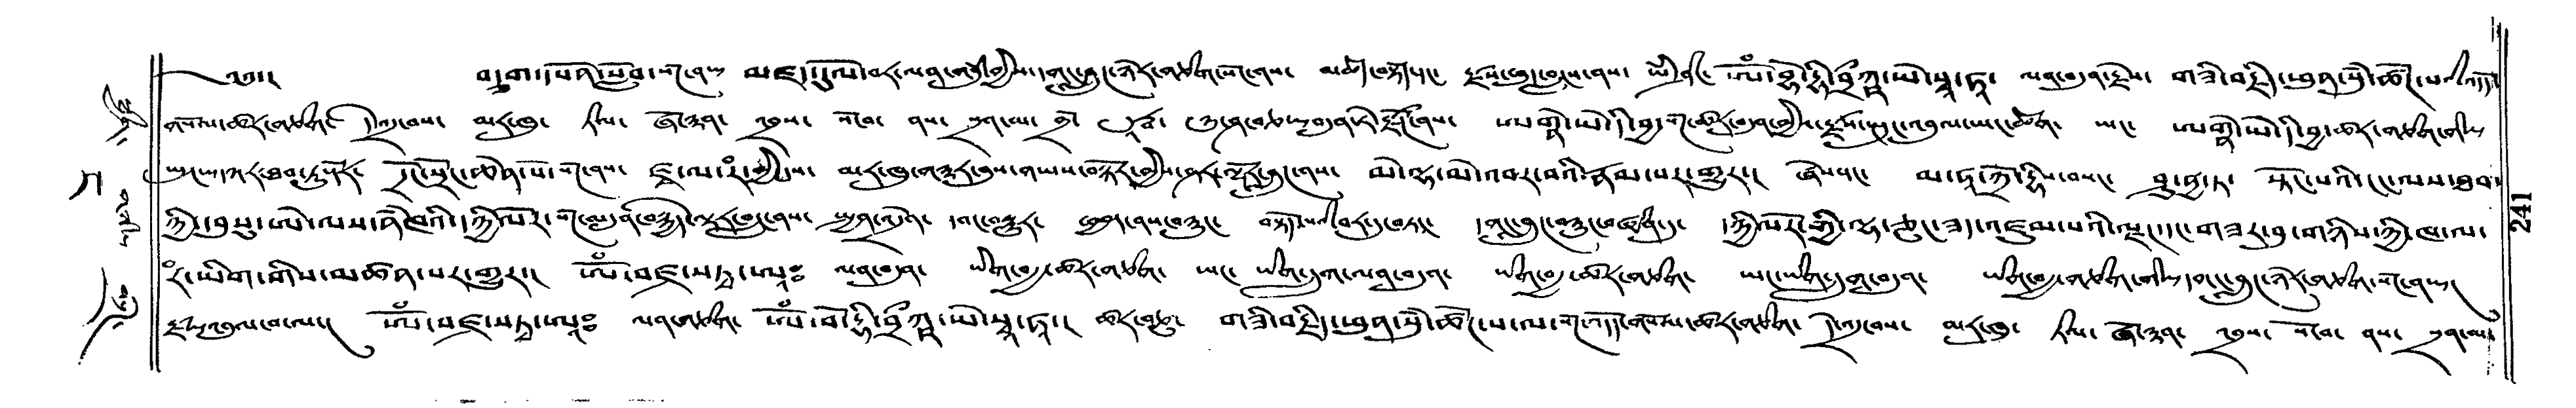༄༅། བདག་ཅག་དཔོན་སློབ༴ སོགས་ནས། མཛད་དུ་གསོལ། བར་ལན་གསུམ་གྱིས་དགང་བླུག་ཉེར་གཅིག་སོང་ནས་མཆོད་བསྟོད་དང་། རྫས་ཕུད་བླངས་ནས་ཡམ་ཤིང་། ཨོཾ་བྷོ་དྷི་བྲྀཀྵ་ཡ་སྭ་ཧཱ། ལན་བདུན་རྗེས། གཟི་བརྗིད་ཕུན་སུམ་ཚོགས་པ་ལ༴ སོགས་འདོད་
གསོལ་ཚར་གཅིག དེ་འདྲ་བས་མར་ཁུ། ཏིལ། ཞོ་ཟན། འབྲས། སོ་བ། ནས། སྲན་མ། གྲོ། དཱུརྦ། ཀུ་ཤ་བཅས་བདུན་རེ་རྫོགས་ནས། ཨགྣེ་ཡེ་དེ་བྱ༴ སོགས་ཚར་བདུན་གྱིས་རྫས་སྤུངས་འབུལ་ཡང་ཆོག ཡང་། ཨགྣེ་ཡེ་དེ་བྱ༴ ཚར་གཅིག་གིས་
ཡུངས་དཀར་ཐབ་ཏུ་དོར། དྲང་སྲོང་ཆེན་པོ༴ སོགས་ནས། ཛྭ་ལ་རཾ་གྱིས་མར་ཁུ་གཟར་བུས་གཡས་སྐོར་གྱིས་ཤར་ལྷོར་བླུགས་ནས།མེ་ལྷ་མེ་འབར་བའི་རྣམ་པར་གྱུར། ཞེས་དང་། མ་ཧཱ་ཀྲོ་དྷི ས་བསང་། ཤུ་ནྱ་ཏ་སྟོང་པའི་ངང་ལས་ཐབ་
ཀྱི་དབུས་སུ་ཨེ་ལས་ནམ་མཁའི་དཀྱིལ་འཁོར་སོགས་མདུན་སྐྱེད་ལྟར་བླངས་ནས། སྤྱན་འདྲེན། དབང་བསྐུར། ཕྱག་ནས་གཟུང་། བསྟོད་པའི་བར་དུ་གཏང་། དགང་བླུགས་འཛིན་བཞིན་དུ། དཀྱིལ་འཁོར་ཀྱི་ལྷ་ཅུང་ཟད་འཛུམ་པའི་ལྗགས་དང་གཟར་བུ་གཉིས་ཀྱི་ཁ་ལ་
རྃ་ཡིག་གིས་མཚན་པར་གྱུར། ཨོཾ་བཛྲ་སཏྭ་ཨཱཿ ལན་བདུན། ཡིག་བརྒྱ་ཚར་གཅིག ཡང་ཡིག་དྲུག་ལན་བདུན། ཡིག་བརྒྱ་ཚར་གཅིག ཡང་ཡིག་དྲུག་བདུན། ཡིག་བརྒྱ་གཅིག་གི་དགང་བླུགས་ཉེར་གཅིག་སོང་ནས། 
རྫས་འབུལ་བ་ལ། ཨོཾ་བཛྲ་སཏྭ་ཨཱཿ ལན་གཅིག ཨོཾ་བཽ་དྷི་བྲྀཀྵ་ཡ་སྭ་ཧཱ། ཚར་བཅུ། གཟི་བརྗིད་ཕུན་སུམ་ཚོགས་པ་ལ༴ སོགས་འདོད་གསོལ་ཚར་གཅིག དེ་འདྲ་བས། མར་ཁུ། ཏིལ། ཞོ་ཟན། འབྲས། སོ་བ། ནས། སྲན་མ།